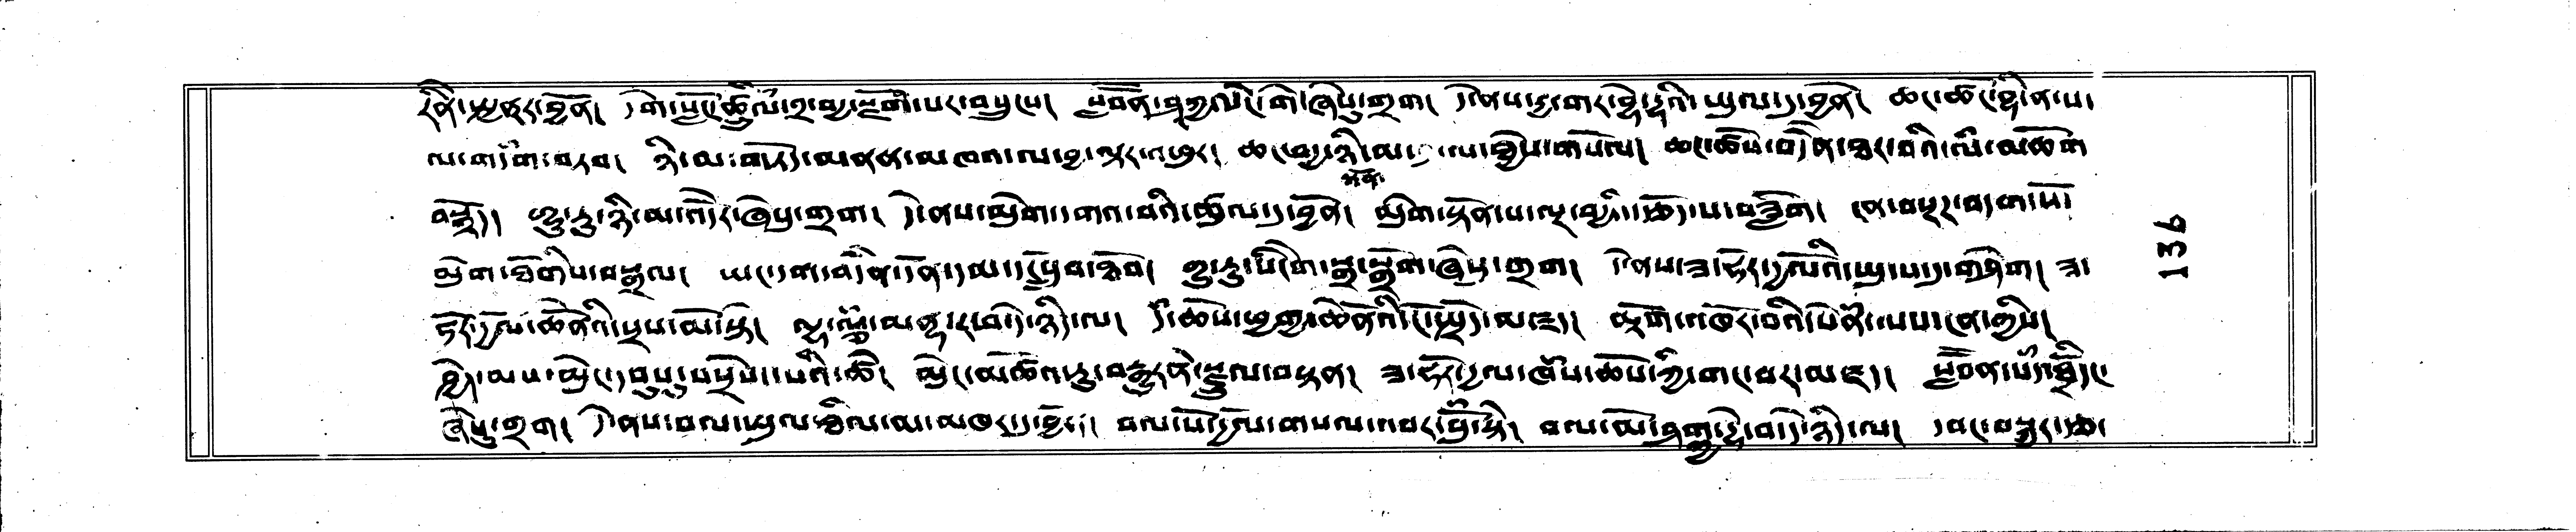རིན་ཆེན་སྤྱན་སྔར་བྱོན། དགེ་སློང་ཚུལ་ཁྲིམས་ཉིས་བརྒྱ་རྫོགས་པར་བསྲུང་། སློབ་དཔོན་ཤཱཀྱ་སེང་གེ་ཞེས་སུ་གྲགས། དེ་ནས་རྒྱ་གར་བྷེ་ཏའི་ཡུལ་དུ་བྱོན། ཆང་ཚོང་བྷེ་ན་ས་
ལ་གདམས་ངག་བཏབ། ཉི་མ་གཏོད་མནན་མཁའ་ལ་བྱ་ལྟར་འཕུར། ཆང་བརྒྱ་ཉི་མ་གཅིག་ལ་ཐུགས་རྗེས་གསོལ། ཆང་ཚོས་བདེ་ཆེན་ཐར་པའི་ལམ་མཆོག་
བགྲོད། གྷུ་རུ་ཉི་མ་འོད་ཟེར་ཞེས་སུ་གྲགས། དེ་ནས་མུ་སྟེགས་དགའ་བའི་ཚུལ་དུ་བྱོན། མི་སྟེགས་སྟོན་པ་ལྔ་བརྒྱའི་རྕོད་པ་བཟློག ངན་སྔགས་བདག་པོ་
མུ་སྟེགས་ཐོག་གིས་བསྒྲལ། ཡང་དག་བདེ་ཆེན་དོན་དམ་དངོས་གྲུབ་ཐོབ། གྷུ་རུ་སེང་གེ་སྒྲ་སྒྲོགས་ཞེས་སུ་གྲགས། དེ་ནས་ཟ་ཧོར་རྒྱལ་པོའི་ཡུལ་དུ་གཤེགས། ཟ་
ཧོར་རྒྱལ་པོ་ཆེན་པོའི་སྲས་མོ་སྟེ། ལྷ་ལྕམ་མནྡྷ་ར་བ་དེ་ཉིད་ལ། དམ་ཆོས་ཕྱག་རྒྱ་ཆེན་པོའི་ངོ་སྤྲོད་མཛད། མ་རྟོགས་འཁོར་བའི་སེམས་ཅན་ལས་ངན་གྱིས། 
བྱེད་ལས་མེ་དཔུང་དབུས་སུ་བསྲེགས་པའི་ཚཻ། མེ་དཔུང་མཚོན་དུ་བསྒྱུར་ཏེ་རྫུ་འཕྲུལ་བསྟན། ཟ་ཧོར་རྒྱལ་ཁམས་ཆོས་ཀྱིས་གང་བར་མཛད། སློབ་དཔོན་པད་མ་ཐོད་ཕྲེང་
ཞེས་སུ་གྲགས། དེ་ནས་བལ་ཡུལ་ཐིལ་མ་མཁར་དུ་བྱོན། བལ་པོ་རྒྱལ་པོ་གསལ་འབར་བུ་མོ་སྟེ། བལ་མོ་ཤཱཀྱ་དེ་བ་དེ་ཉིད་ལ། དབང་སྐུར་རྩ་